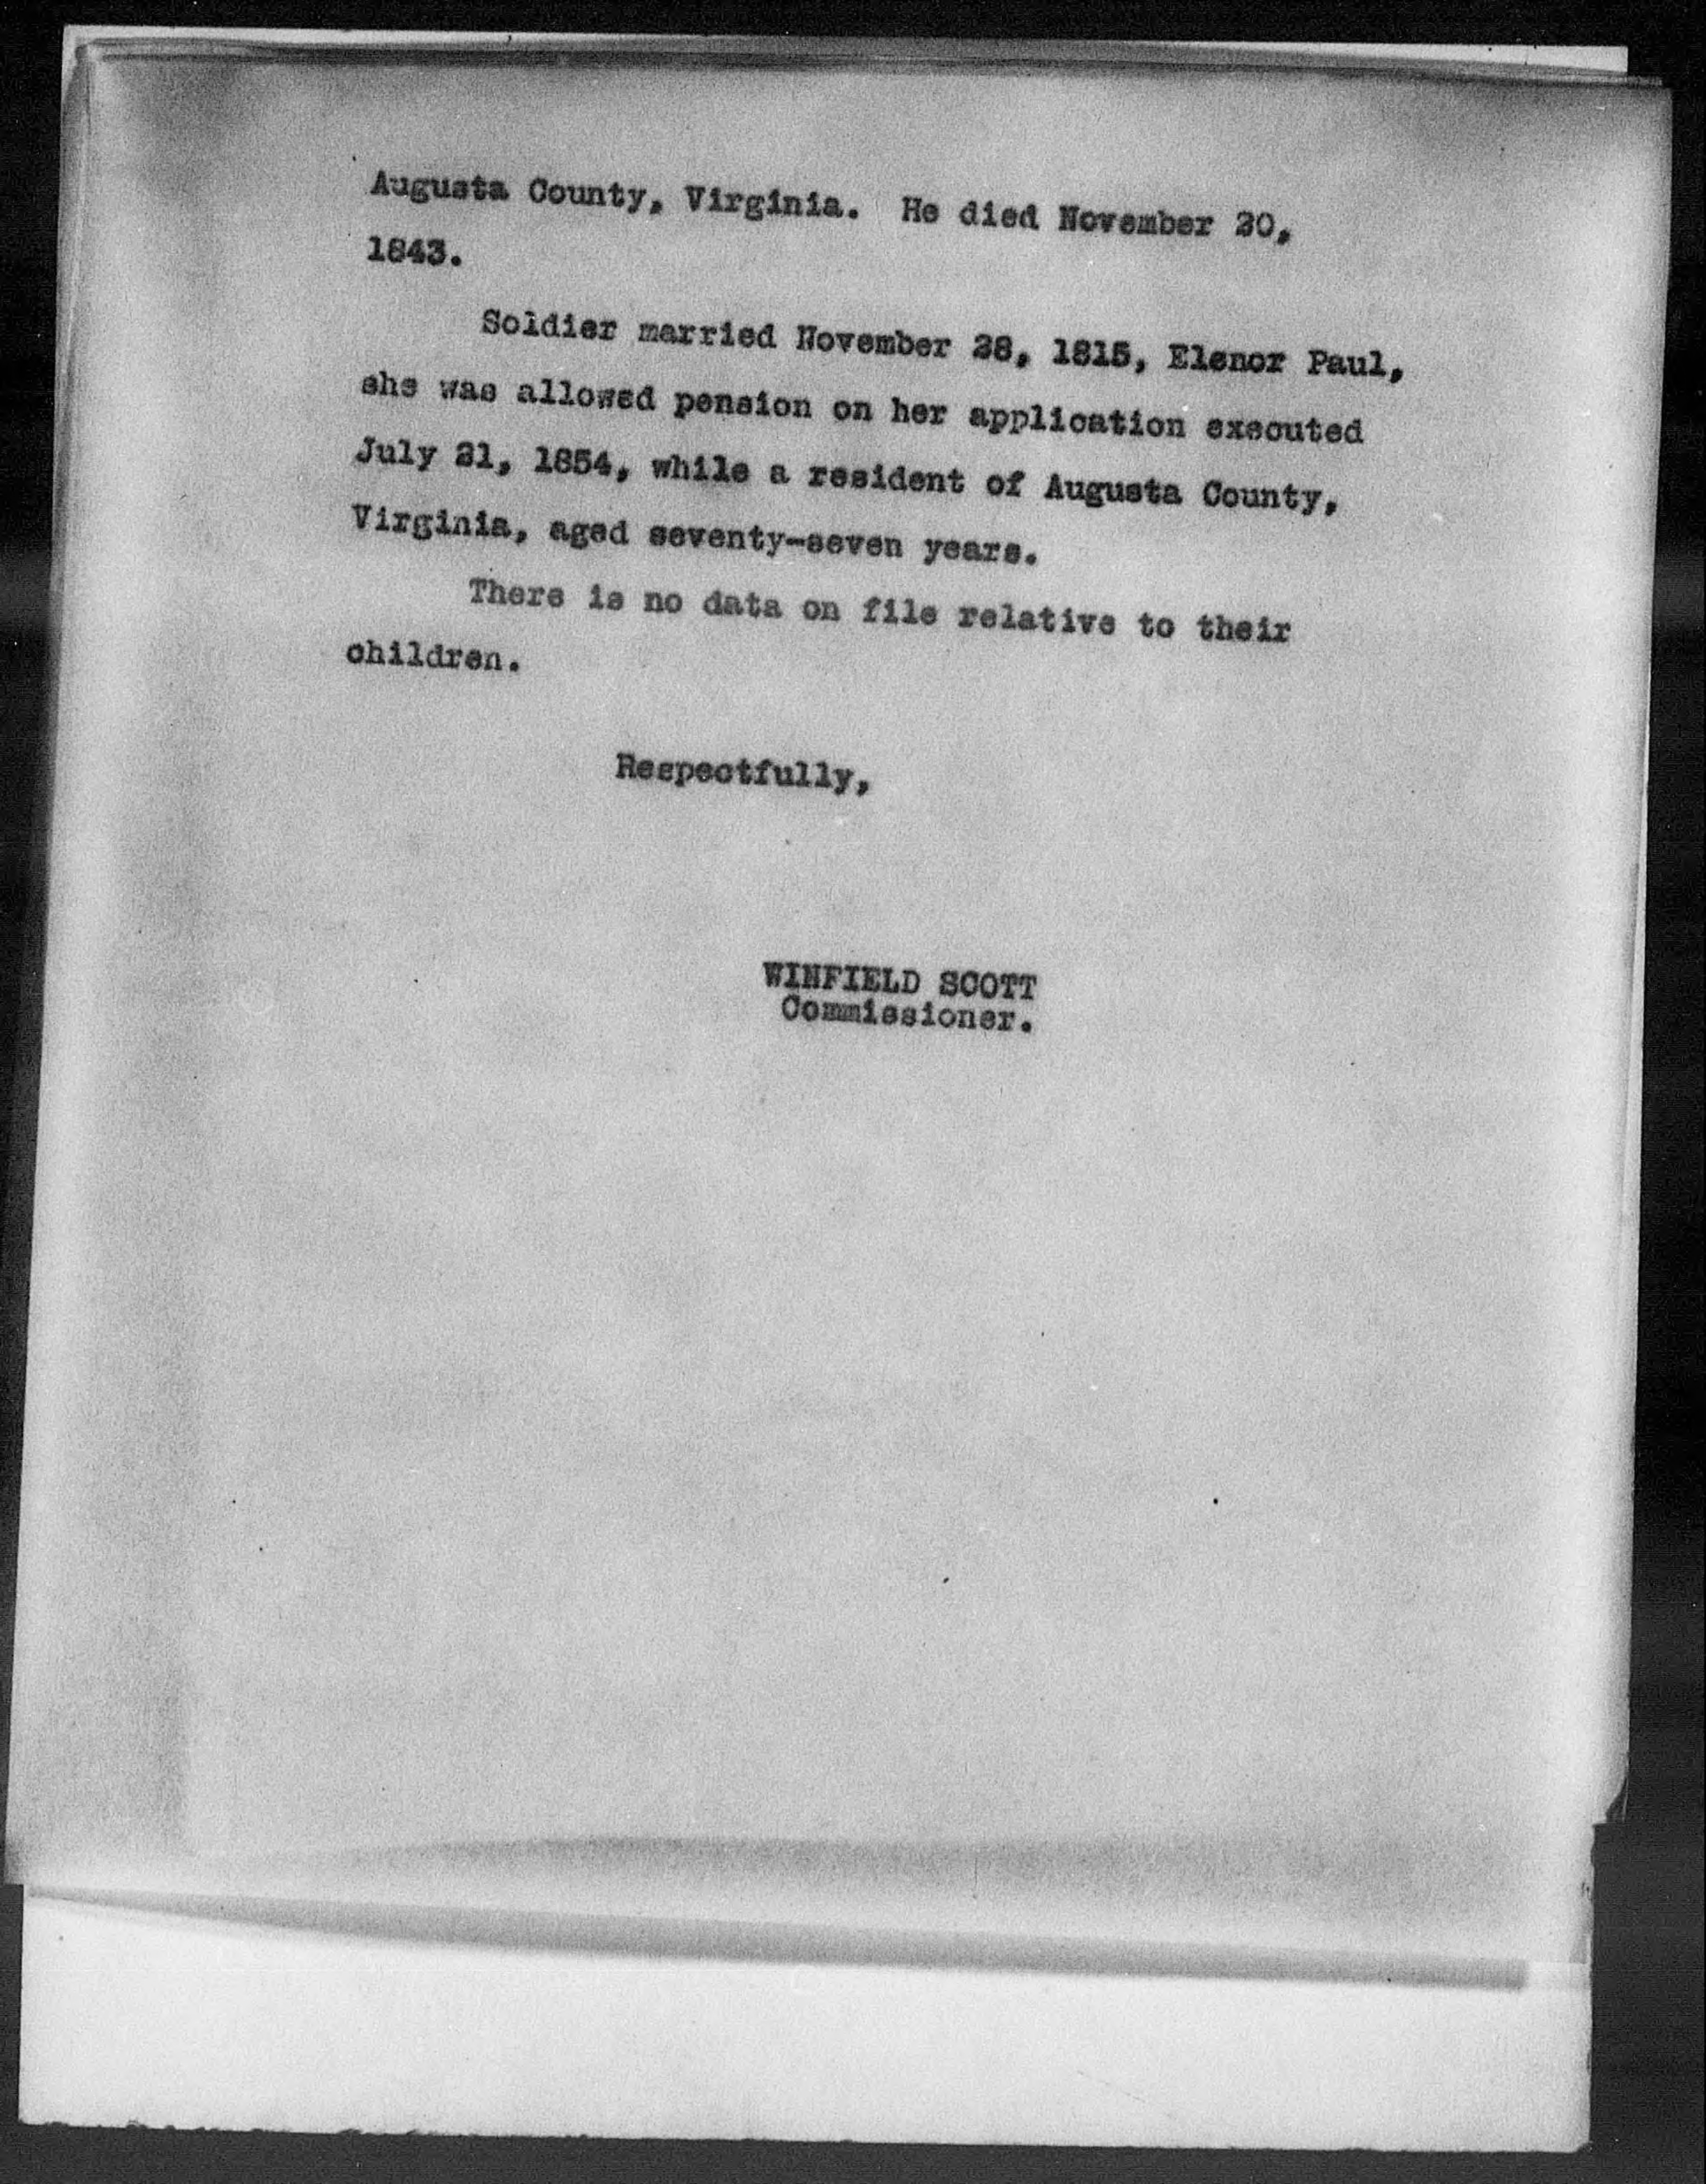Augusta County, Virginia. He died November 29, 1843.

Soldier married November 28, 1815, Eleanor Paul, she was allowed pension on her application executed July 21, 1854, while a resident of Augusta County, Virginia, aged seventy-seven years.

There is no data on file relative to their children.

Respectfully,

WINFIELD SCOTT
Commissioner.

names: Elenor Paul, Winfield Scott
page: 70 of 71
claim: widow's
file: W. 25310, Claudius Buster, Va.